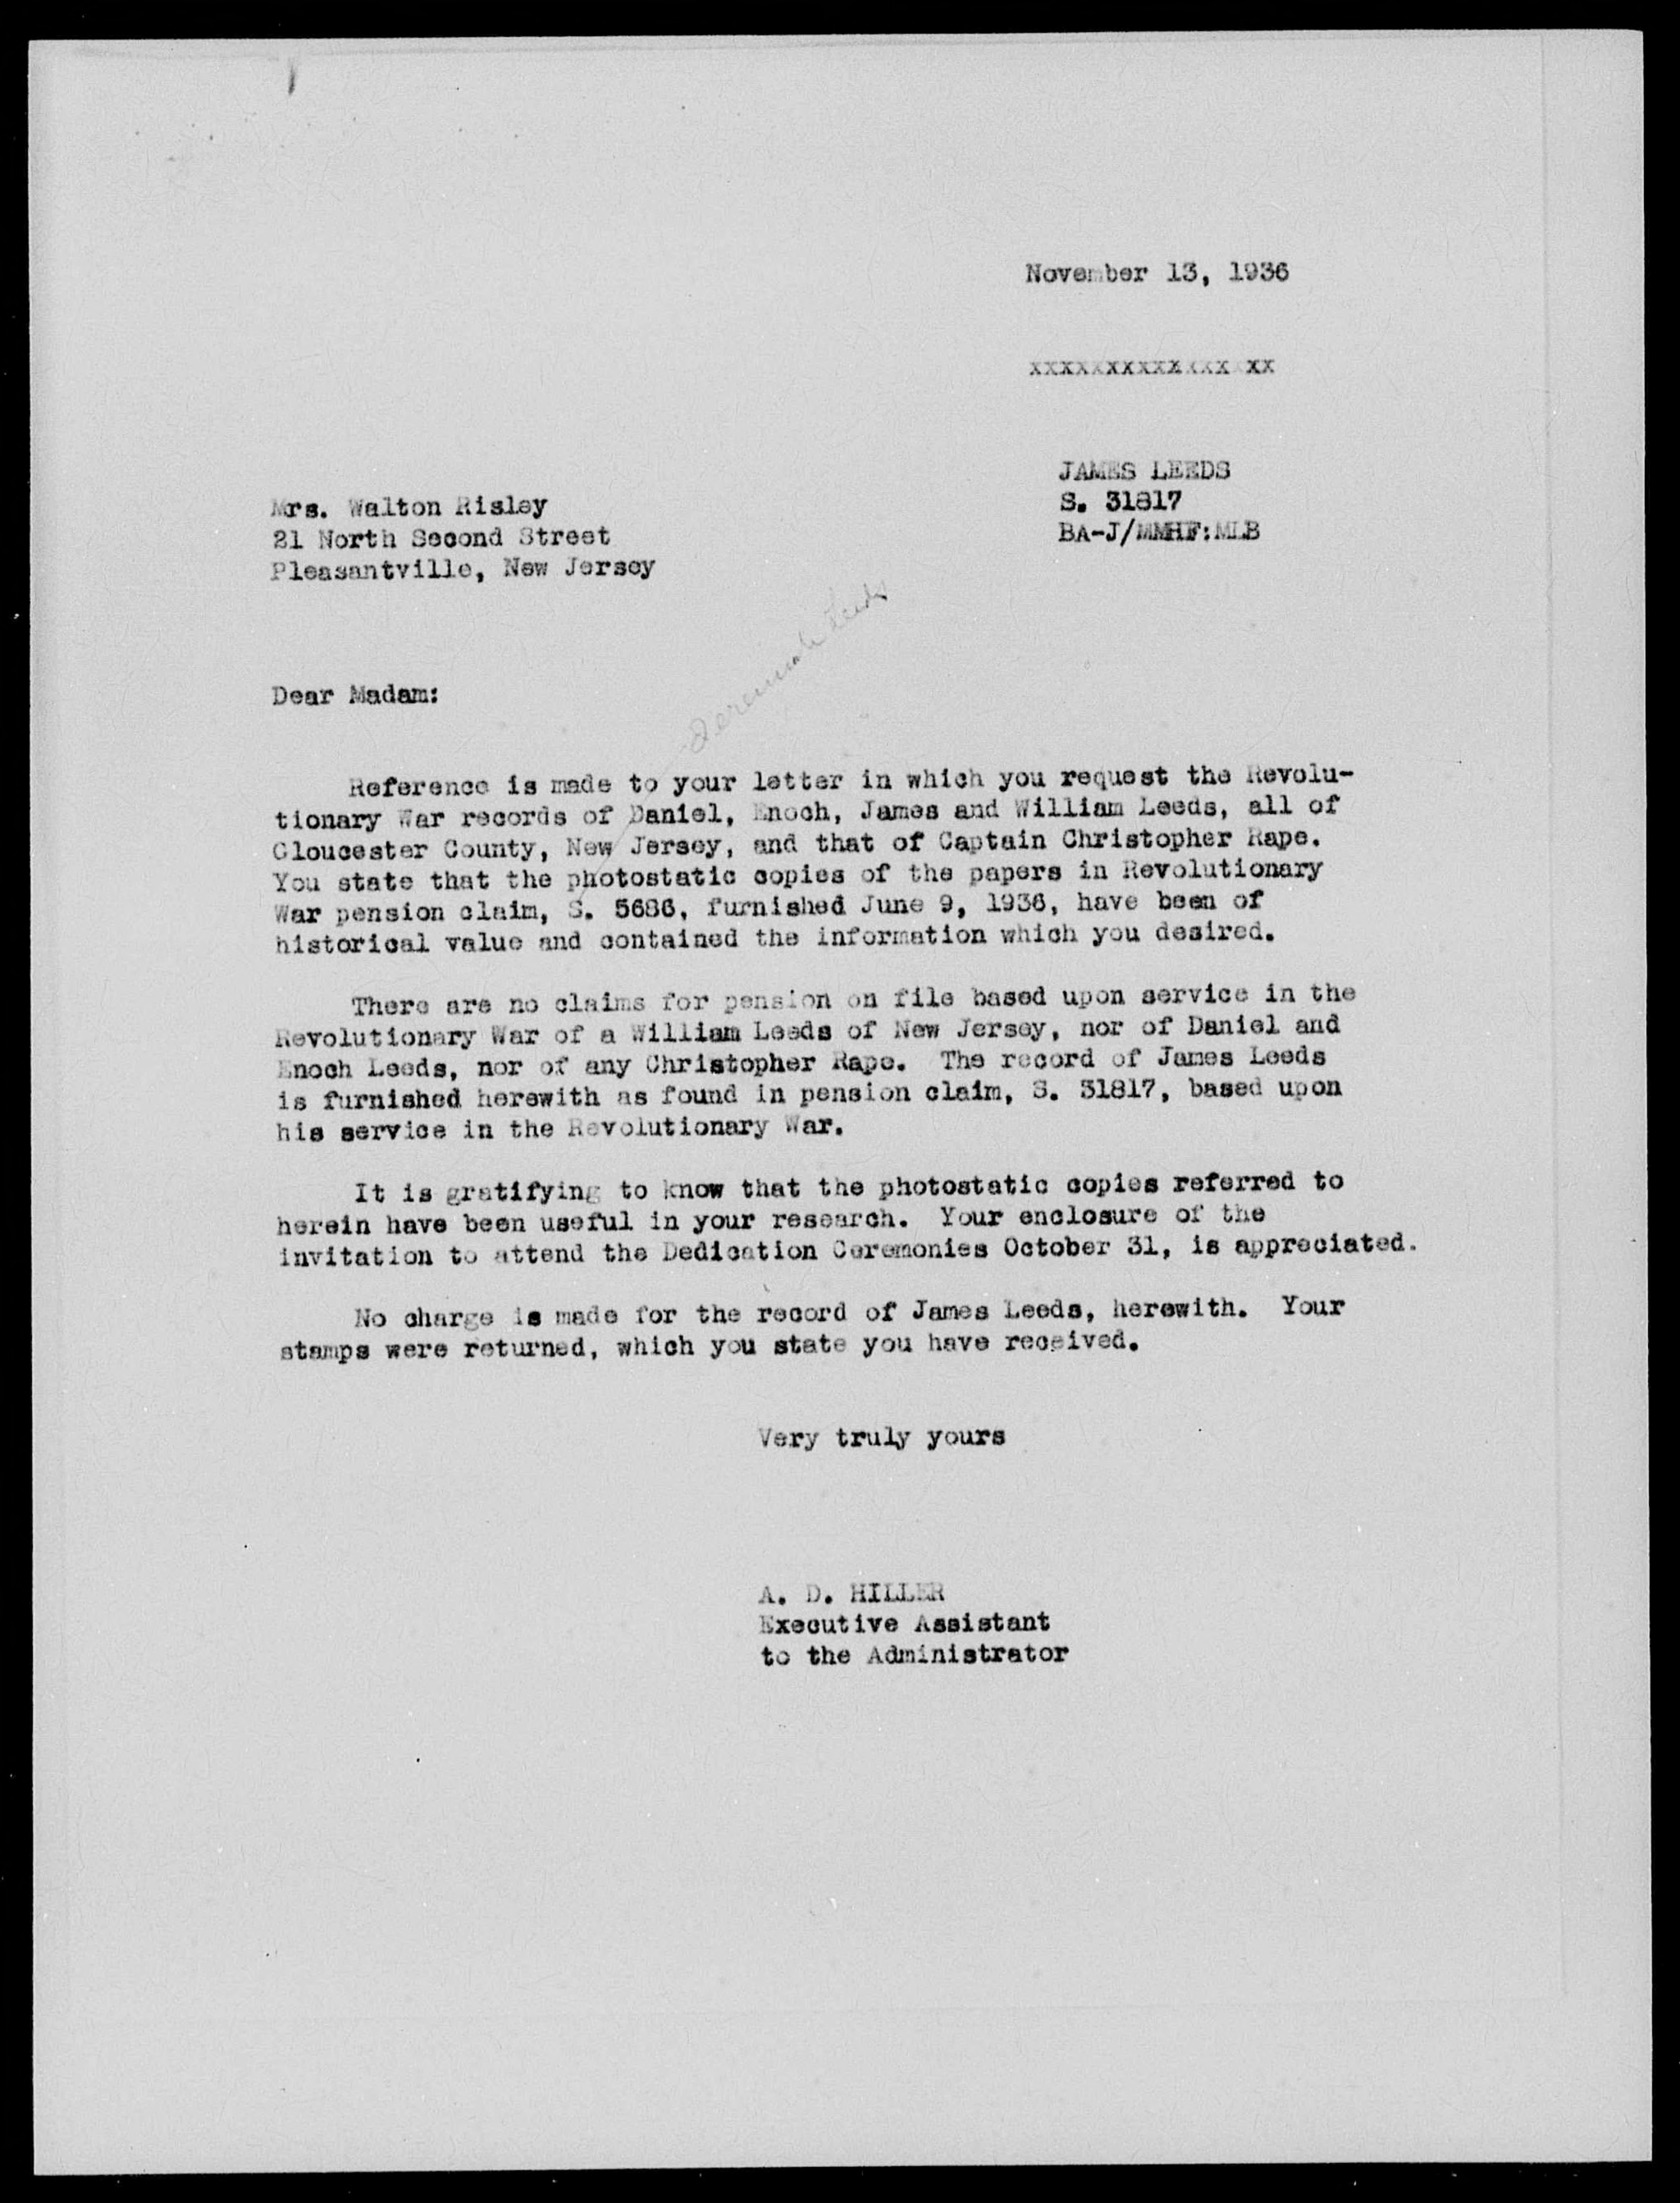November 13, 1936

xxxxxxxxxxxxxxxxxxxxxxxx

JAMES LEEDS
S. 31817
BA-J/MMHF:MLB

Mrs. Walton Risley
21 North Second Street
Pleasantville, New Jersey

Dear Madam:

Reference is made to your letter in which you request the Revolutionary War records of Daniel, Enoch, James and William Leeds, all of Gloucester County, New Jersey, and that of Captain Christopher Rape. You state that the photostatic copies of the papers in Revolutionary War pension claim, S. 5686, furnished June 9, 1936, have been of historical value and contained the information which you desired.

There are no claims for pension on file based upon service in the Revolutionary War of a William Leeds of New Jersey, nor of Daniel and Enoch Leeds, nor of any Christopher Rape. The record of James Leeds is furnished herewith as found in pension claim, S. 31817, based upon his service in the Revolutionary War.

It is gratifying to know that the photostatic copies referred to herein have been useful in your research. Your enclosure of the invitation to attend the Dedication Ceremonies October 31, is appreciated.

No charge is made for the record of James Leeds, herewith. Your stamps were returned, which you state you have received.

Very truly yours

A.D. HILLER
Executive Assistant
to the Administrator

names: Enoch Leeds; Christopher Rape; A D Hiller; Daniel Leeds; James Leeds; William Leeds; Walton Risley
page: 18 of 38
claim: survivor's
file: S 31817, for James Leeds, New Jersey